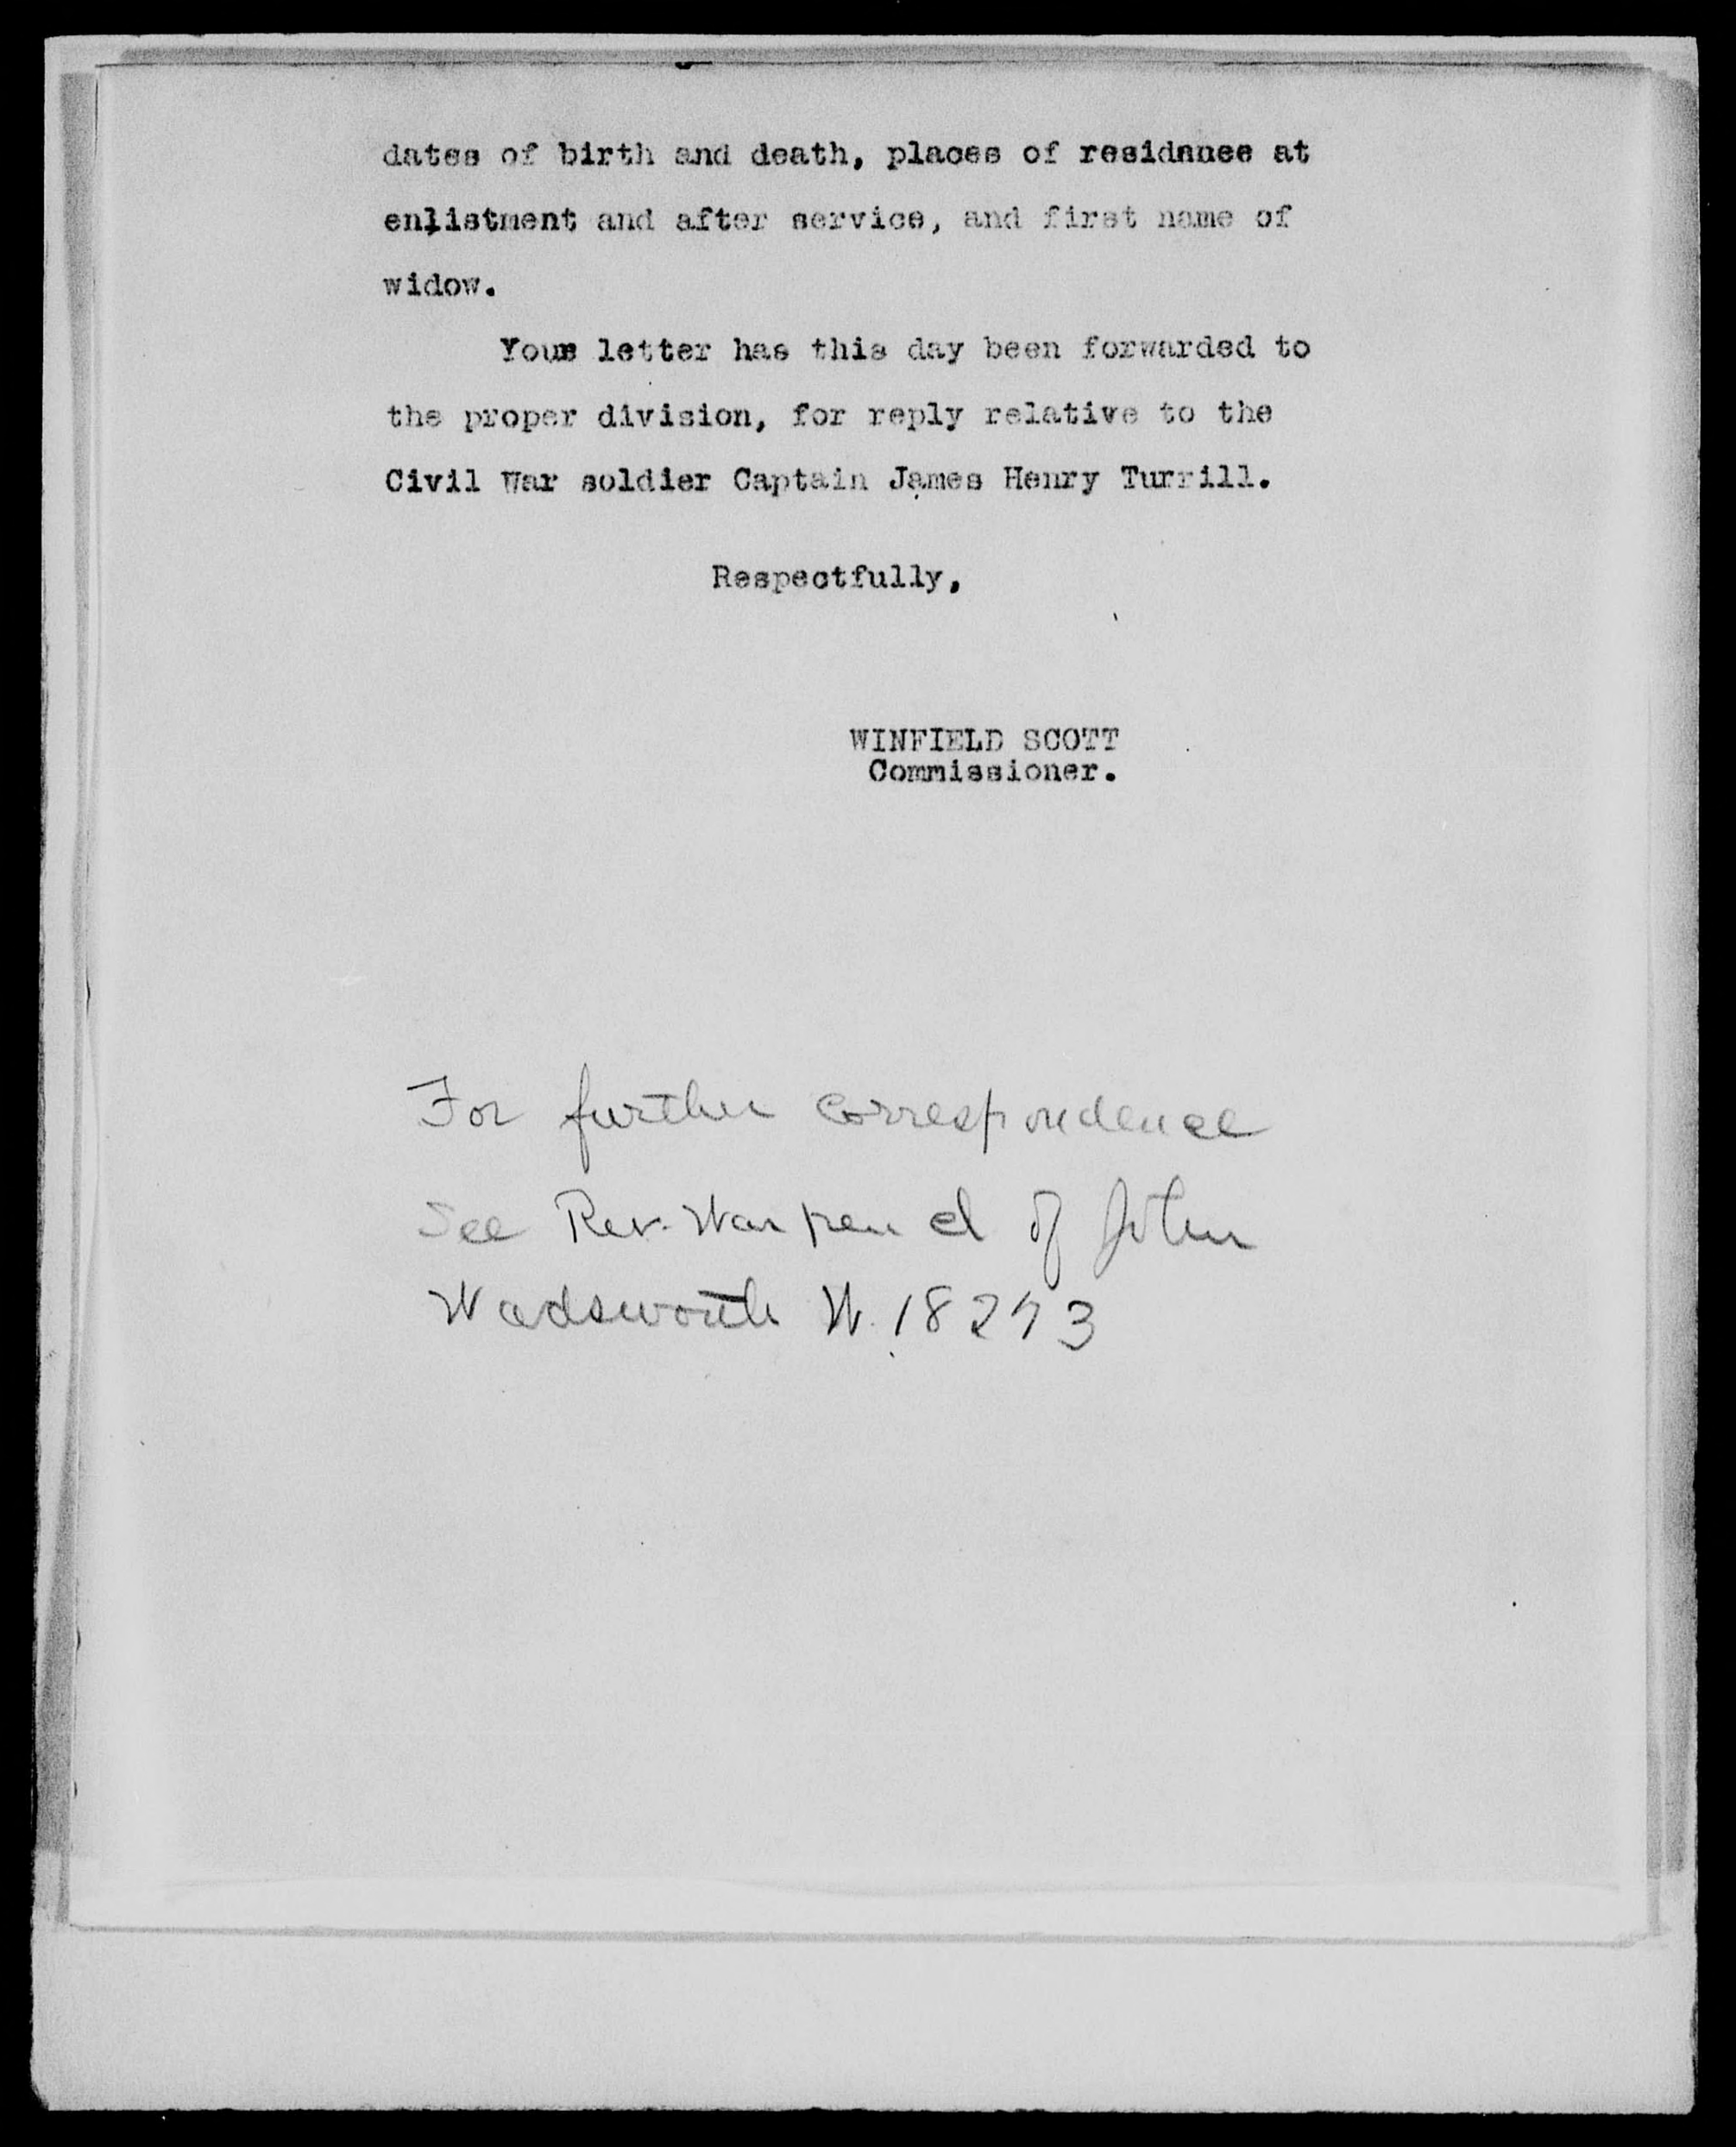dates of birth and death, places of residence at enlistment and after service, and first name of widow. 

Your letter has this day been forwarded to the proper division, for reply relative to the Civil War soldier Captain James Henry Turrill. 
Respectfully, 
WINFIELD SCOTT
Commissioner. 

[handwritten]
For further correspondence see Rev. War pen cl of John Wadsworth W. 18273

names: John Wadsworth, James Henry Turrill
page: 144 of 144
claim: rejected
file: R. 5208, Dennis Hopkins, N.C.